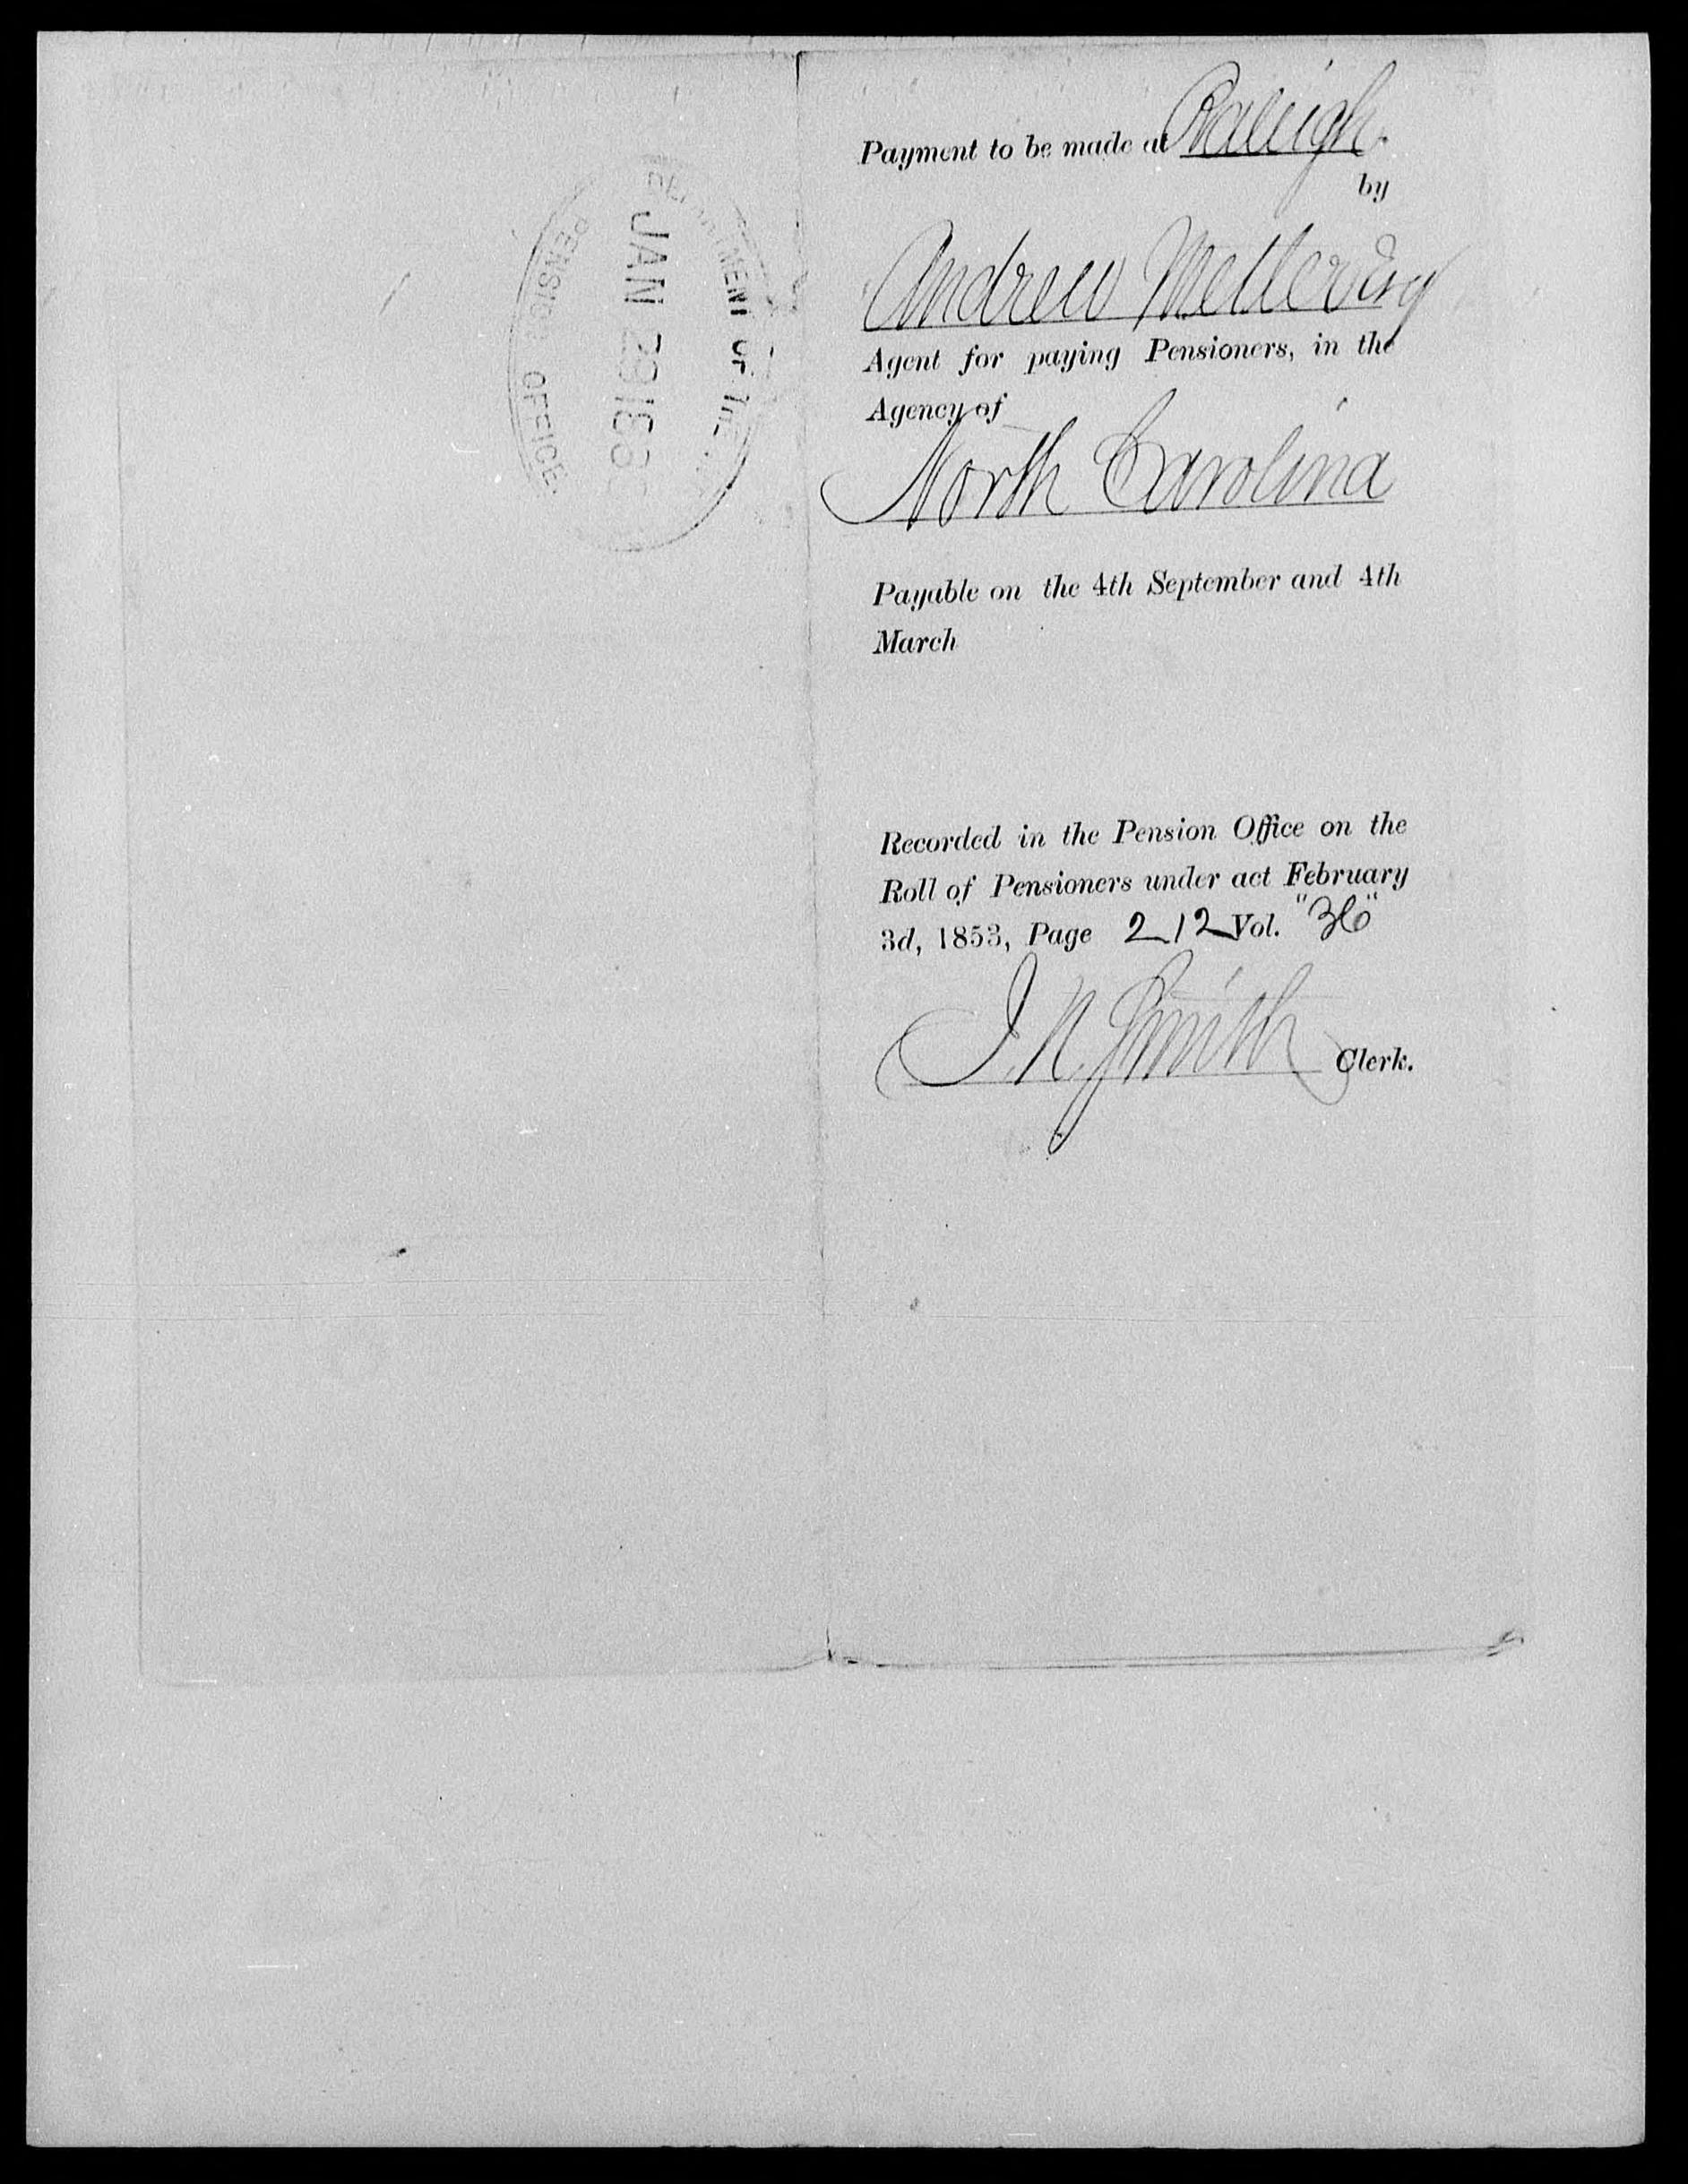Payment to be made at Raleigh by 
Andrew Meller 
Agent for paying Pensioners, in the Agency of North Carolina

Payable on the 4th September and 4th March


Recorded in the Pension Office on the Roll of Pensioners under act February 3d, 1853, Page 212 Vol.  "36"

J. N. Smith Clerk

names: J N Smith, Andrew Meller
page: 40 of 81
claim: widow's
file: W. 7262, Robert Ferguson, Va.